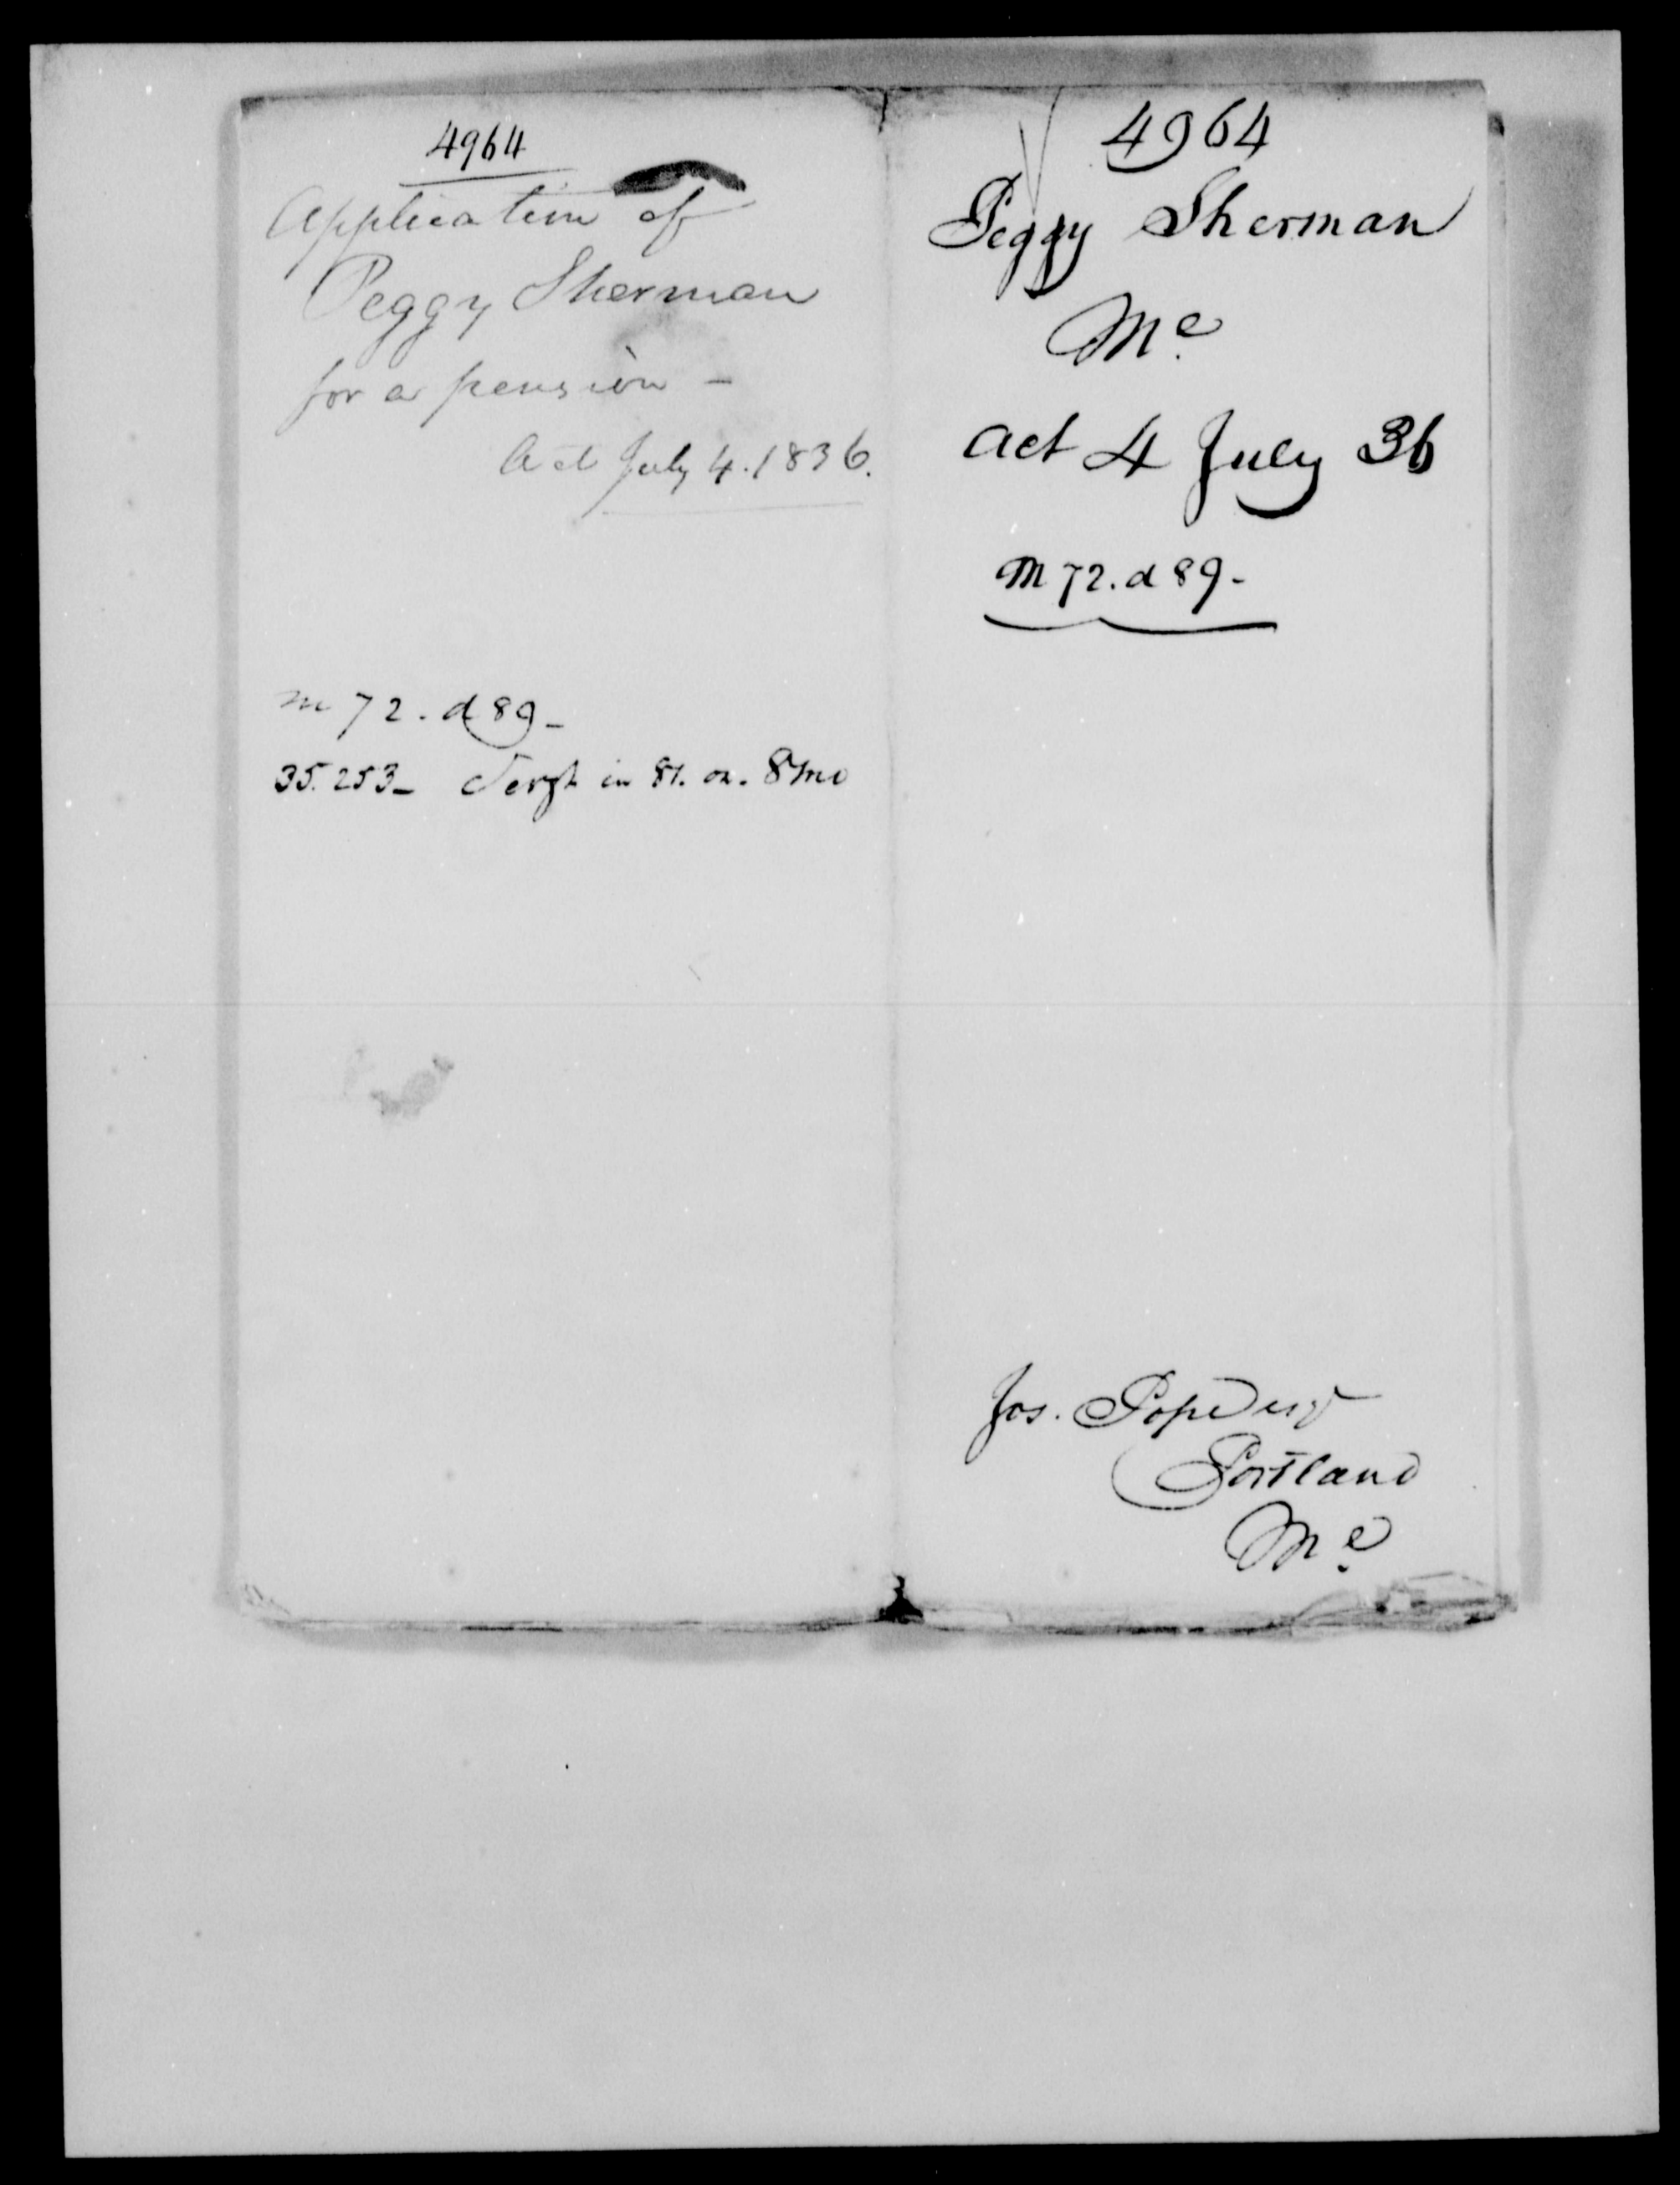[doc is written, folded & damaged]

[left fold]
4964 [underlined]
Application of
Peggy Sherman
for a pension---
Act July 4, 1836 [date underlined]

m 72 d 89---
35.253--- Sergt in 81 on 8 mo

[right fold]
4964
Peggy Sherman
Me
Act 4 July 36
m 72 . d 89. [underlined]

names: Peggy Sherman; Peggy Sherman; Jos Pope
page: 11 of 20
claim: widow's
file: W. 22,200, for James Sherman, Massachusetts